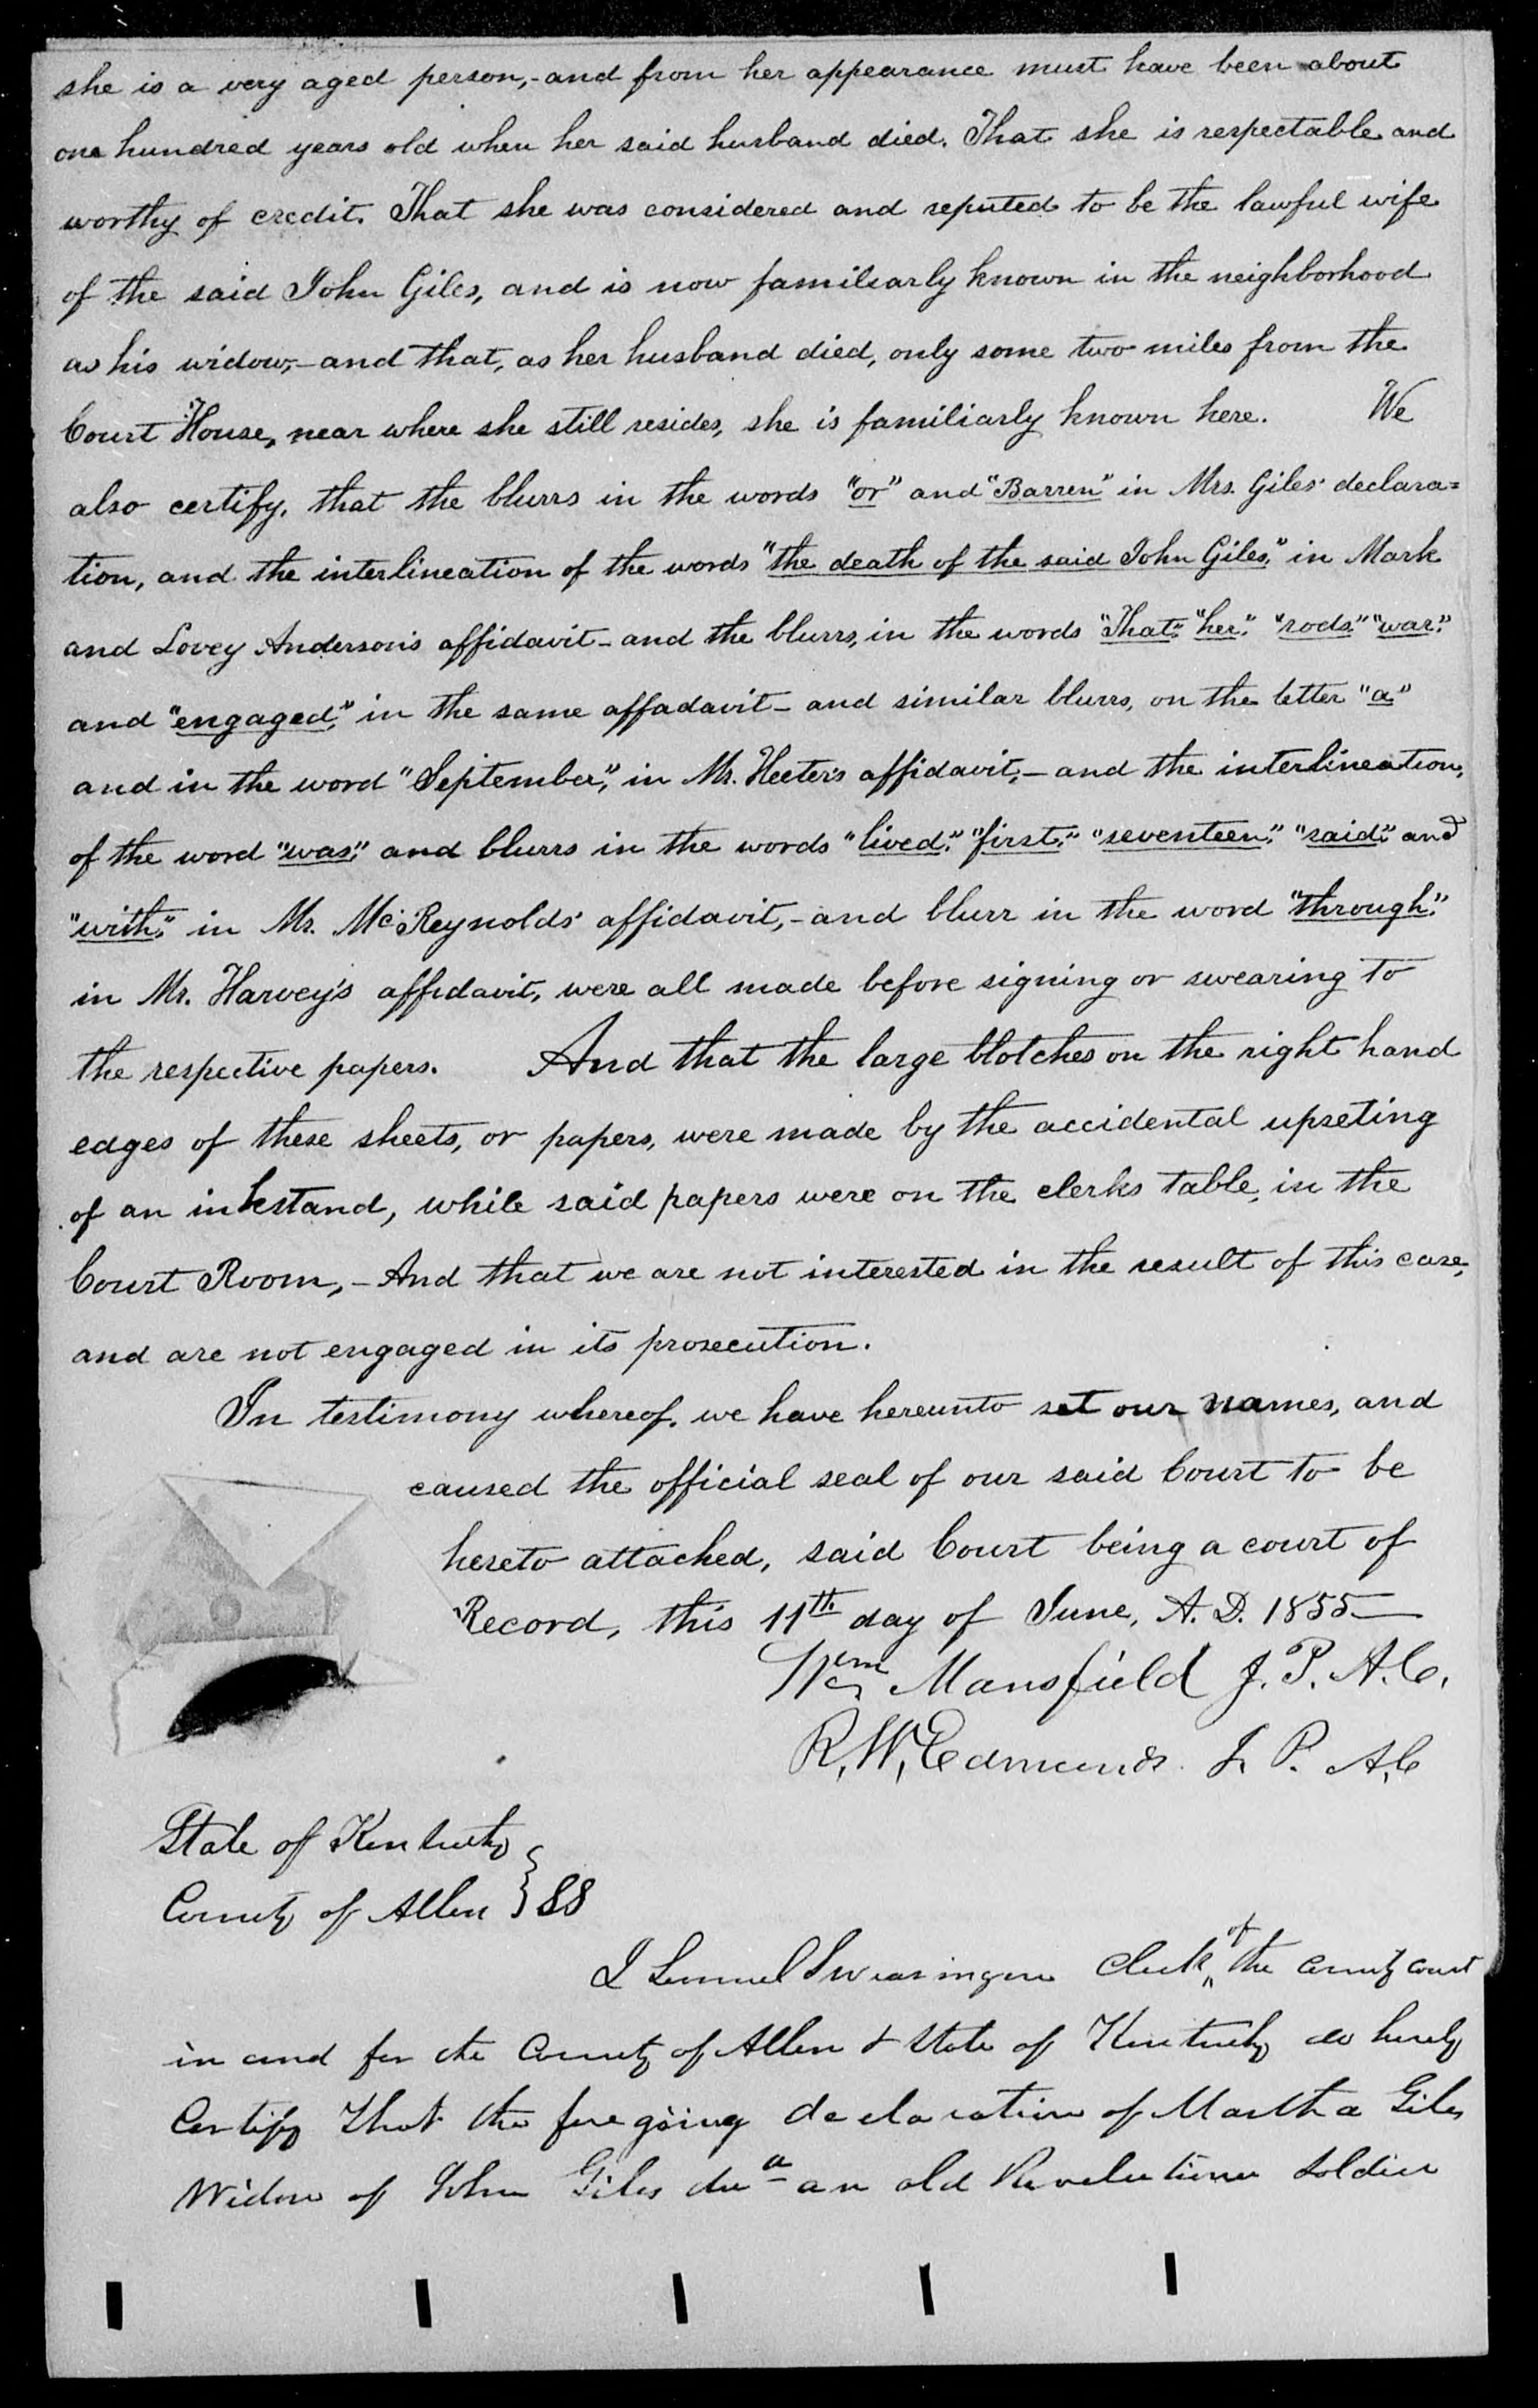she is a very aged person, and from her appearance must have been about on hundred years old when her said husband died. That she is respectable and worthy of credit. That she was considered and reputed to be the lawful wife of the said John Giles, and is now familiarly known in the neighborhood as his widow, and that, as her husband died, only some two miles from the Court House, near where she still resides, she is familiarly known here. We also certify that the blurs in the words "or" and "Barren" in Mrs. Giles declaration and the interlineation of the word "the death of the said John Giles,: in Mark and Lovy Anderson's affidavit and the blurs in the words "That" "her" "rods" "war" and "engaged" in the same affidavit and similar blurs, on the letter "a" and in the word "September:" in Mr. Hecter's affidavit and the interlineation, of the word "was" and blurs in the words "lived" "first" "seventeen" "said" and "with" in Mr. McReynolds' affidavit, and blur in the word "through" in Mr. Harvey's affidavit, were all made before signing or swearing to the respective papers. And that the large blotches on the right hand edges of these sheets, or papers, were made on the clerks table, in the Court Room, And that we are not interested in the result of this case and are not engaged in its prosecution.

In testimony whereof we have hereunto set our names, and caused the official seal of our said Cout to be hereto attached, said Court being a Court of Record, this 11th day of Jun, A.D. 1855
William Mansfield J.P.A.C.
R.W. Edmunds J.P.A.C.

State of Kentucky } Ss
County of Allen }

I Lemuel Swearingen clerk of the County Court in and for the County of Allen and State of Kentucky do hereby certify that the foregoing declaration of Martha Giles widow of John Giles and an old Revolution Soldier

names: Lemuel Swearingen, John Giles, Wm Mansfield, Mc Reynolds, John Giles, Giles, Mark Anderson, Heeter, Martha Giles, Harvey, John Giles, R W Edmunds, Lovey Anderson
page: 31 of 82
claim: widow's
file: W. 7,522, John Giles, N.C.